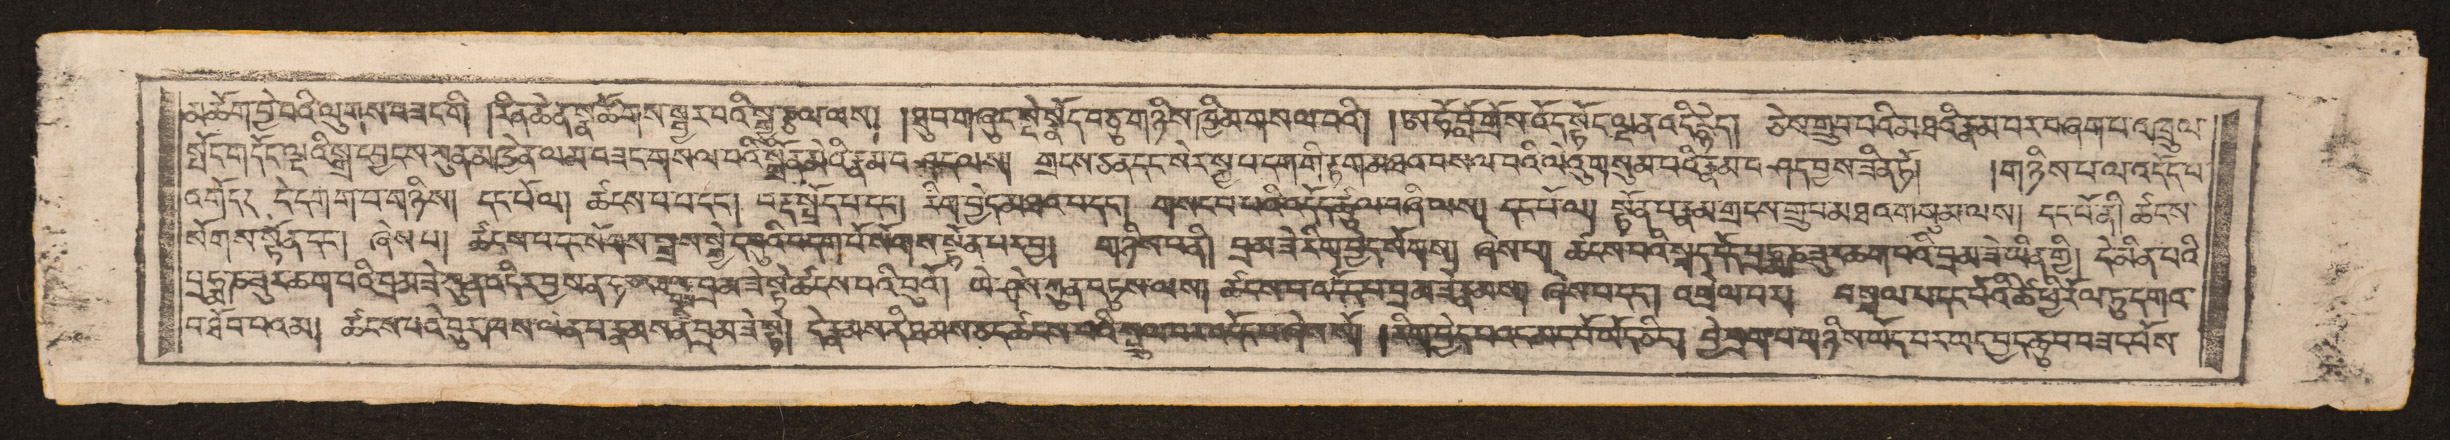མཆོག་བྱེ་བའི་ལུགས་བཟང་གི །རིན་ཆེན་སྣ་ཚོགས་སྦྱར་བའི་སྒྱུ་རྩལ་ལས། །ཐུབ་གཞུང་སྡེ་སྣོད་བཅུ་གཉིས་ཁྱིམ་གསལ་བའི། །ཨ་ཧོ་བློ་གྲོས་འོད་སྟོང་ལྡན་འདི་རྙེད། ཅེས་གྲུབ་པའི་མཐའི་རྣམ་པར་བཞག་པ་འཁྲུལ་
སྤོང་གདོང་ལྔའི་སྒྲ་དབྱངས་ཀུན་མཁྱེན་ལམ་བཟང་གསལ་བའི་སྒྲོན་མེའི་རྣམ་བཤད་ལས། གྲངས་ཅན་དང་སེར་སྐྱ་པ་དག་གི་རྟག་མཐའ་བསལ་བའི་ལེའུ་གསུམ་པའི་རྣམ་བཤད་བྱས་ཟིན་ཏོ། །གཉིས་པ་ལ་འདོད་པ་
འགོད༑ དེ་དགག་པ་གཉིས། དང་པོ་ལ། ཚངས་པ་པ་དང་། བརྡ་སྤྲོད་པ་དང་། རིག་བྱེད་མཐའ་བ་དང་། གསང་བ་པའི་འདོད་ཚུལ་བཞི་ལས། དང་པོ་ལ། སྟོན་པ་རྣམ་གྲངས་གྲུབ་མཐའ་གསུམ་ལས། དང་པོ་ནི། ཚངས་
སོགས་སྟོན་དང་། ཞེས་པ། ཚངས་པ་དང་སོགས་སྒྲས་སྐྱེ་དགུའི་བདག་པོ་སོགས་སྟོན་པར་བྱ། གཉིས་པ་ནི། བྲམ་ཟེ་རིག་བྱེད་སོགས། ཞེས་པ། ཚངས་པའི་སྐད་དོད་པྲཧྨ་ཎ་ཟུར་ཆག་པའི་བྲམ་ཟེ་ཡིན་གྱི། དེ་མིན་པའི་
པྲཧྨ་ཎ་ཟུར་ཆག་པའི་བྲམ་ཟེ་ཀུན་འདིར་བྱས་ན་ཧ་ཅང་ཐལ་བས་བྲམ་ཟེ་སྟེ་ཚངས་པའི་བུའོ། ཡེ་ཤེས་ཀུན་བཏུས་ལས། ཚངས་པ་འདོད་པ་བྲམ་ཟེ་རྣམས། ཞེས་པ་དང་། འགྲེལ་བར། བསྐལ་པ་དང་པོའི་ཚེ་ཕྱི་རོལ་ཏུ་དགའ་
བ་ཐོབ་པའམ། ཚངས་པའི་བུར་ཁས་ལེན་པ་རྣམས་ནི་བྲམ་ཟེ་སྟེ། དེ་རྣམས་ནི་ཐམས་ཅད་ཚངས་པའི་སྤྲུལ་བར་འདོད་པ་ཞེས་སོ། །རིག་བྱེད་པའང་མང་པོ་ཡོད་ཅིང་། བྱེ་བྲག་པ་གཉིས་ཡོད་པར་ཡང་བྱང་ཆུབ་བཟང་པོས་